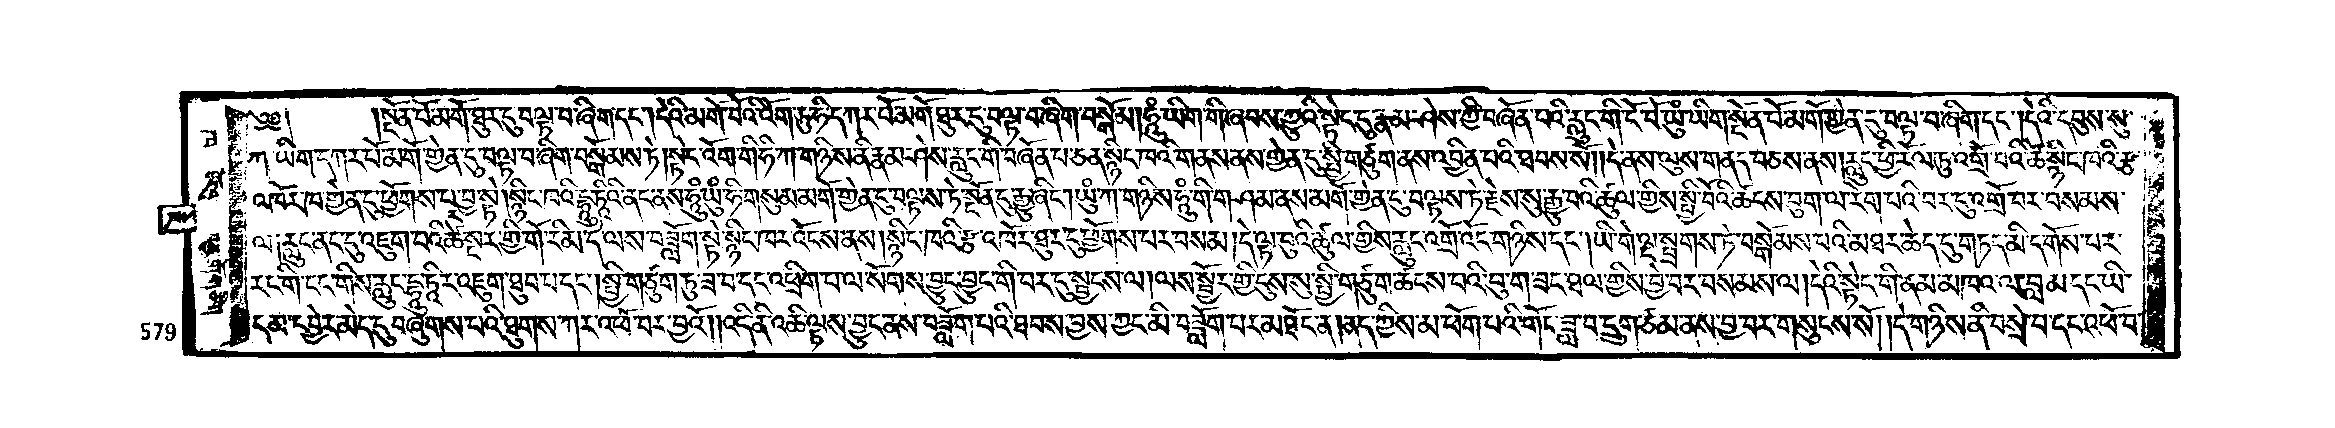༄༅། །སྔོན་པོ་མགོ་ཐུར་དུ་བལྟ་བ་ཞིག་དང་། དེའི་མགོ་བོའི་འོག་ཏུ་ཧི་དཀར་པོ་མགོ་ཐུར་དུ་བལྟ་བ་ཞིག་བསྒོམ། ཧཱུཾ་ཡིག་གི་ཞབས་ཀྱུའི་སྟེང་དུ་རྣམ་ཤེས་ཀྱི་བཞོན་པའི་རླུང་གི་ངོ་བོ་ཡུཾ་ཡིག་སྔོན་པོ་མགོ་གྱེན་དུ་བལྟ་བ་ཞིག་དང་། དེའི་དབུས་སུ་
ཀ་ཡིག་དཀར་པོ་མགོ་གྱེན་དུ་བལྟ་བ་ཞིག་བསྒོམས་ཏེ། སྟེང་འོག་གི་ཧི་ཀ་གཉིས་ནི་རྣམ་ཤེས་རླུང་གི་བཞོན་པ་ཅན་སྙིང་ཁའི་གནས་ནས་གྱེན་དུ་སྤྱི་གཙུག་ནས་འབྱིན་པའི་ཐབས་སོ། །དེ་ནས་ལུས་གནད་བཅས་ནས། རླུང་ཕྱི་རོལ་ཏུ་འགྲོ་བའི་ཚེ་སྙིང་ཁའི་རྩ་
འཁོར་ཁ་གྱེན་དུ་ཕྱོགས་པར་བྱ་སྟེ། སྙིང་གའི་དྷཱུ་ཏཱིའི་ནང་ནས་ཧཱུཾ་ཡུཾ་ཧི་གསུམ་མགོ་གྱེན་དུ་བལྟས་ཏེ་སྔོན་དུ་རྒྱུ་ཞིང་། ཡུཾ་ཀ་གཉིས་ཧཱུཾ་གི་གཤམ་ནས་མགོ་གྱེན་དུ་བལྟས་ཏེ་རྗེས་སུ་རྒྱུ་བའི་ཚུལ་གྱིས་སྤྱི་བོའི་ཚངས་བུ་ག་ལ་རེག་པའི་བར་དུ་འགྲོ་བར་བསམས་
ལ༑ རླུང་ནང་དུ་འཇུག་པའི་ཚེ་སྔར་གྱི་གོ་རིམ་དེ་ལས་བཟློག་སྟེ་སྙིང་ཁར་འོངས་ནས། སྙིང་ཁའི་རྩ་འཁོར་ཐུར་དུ་ཕྱོགས་པར་བསམ། དེ་ལྟ་བུའི་ཚུལ་གྱིས་རླུང་འགྲོ་འོང་གཉིས་དང་། ཡི་གེ་ལྔ་སྦྲགས་ཏེ་བསྒོམས་པའི་མཐར་ཆེད་དུ་གཏད་མི་དགོས་པར་
རང་གི་ངང་གིས་རླུང་དྷཱུ་ཏཱིར་འཇུག་ཐུབ་པ་དང་། སྤྱི་གཙུག་ཏུ་ཟ་བ་དང་འཕྲིག་པ་ལ་སོགས་བྱུང་བྱུང་གི་བར་དུ་སྦྱངས་ལ། ལས་སྦྱོར་གྱི་དུས་སུ་སྤྱི་གཙུག་ཚངས་པའི་བུ་གཟང་ཐལ་གྱིས་བྱེ་བར་བསམས་ལ། དེའི་སྟེང་གི་ནམ་མཁའ་ལ་བླ་མ་དང་ཡི་
དམ་དབྱེར་མེད་དུ་བཞུགས་པའི་ཐུགས་ཀར་འཕོ་བར་བྱའོ། །འདི་ནི་འཆི་ལྟས་བྱུང་ནས་བཟློག་པའི་ཐབས་བྱས་ཀྱང་མི་བཟློག་པར་མཐོང་ན། ནད་ཀྱིས་མ་ཕོག་པའི་གོང་ཟླ་བ་དྲུག་ཙམ་ནས་བྱ་བར་གསུངས་སོ། །དེ་གཉིས་ནི་བསྲེ་བ་དང་འཕོ་བ་